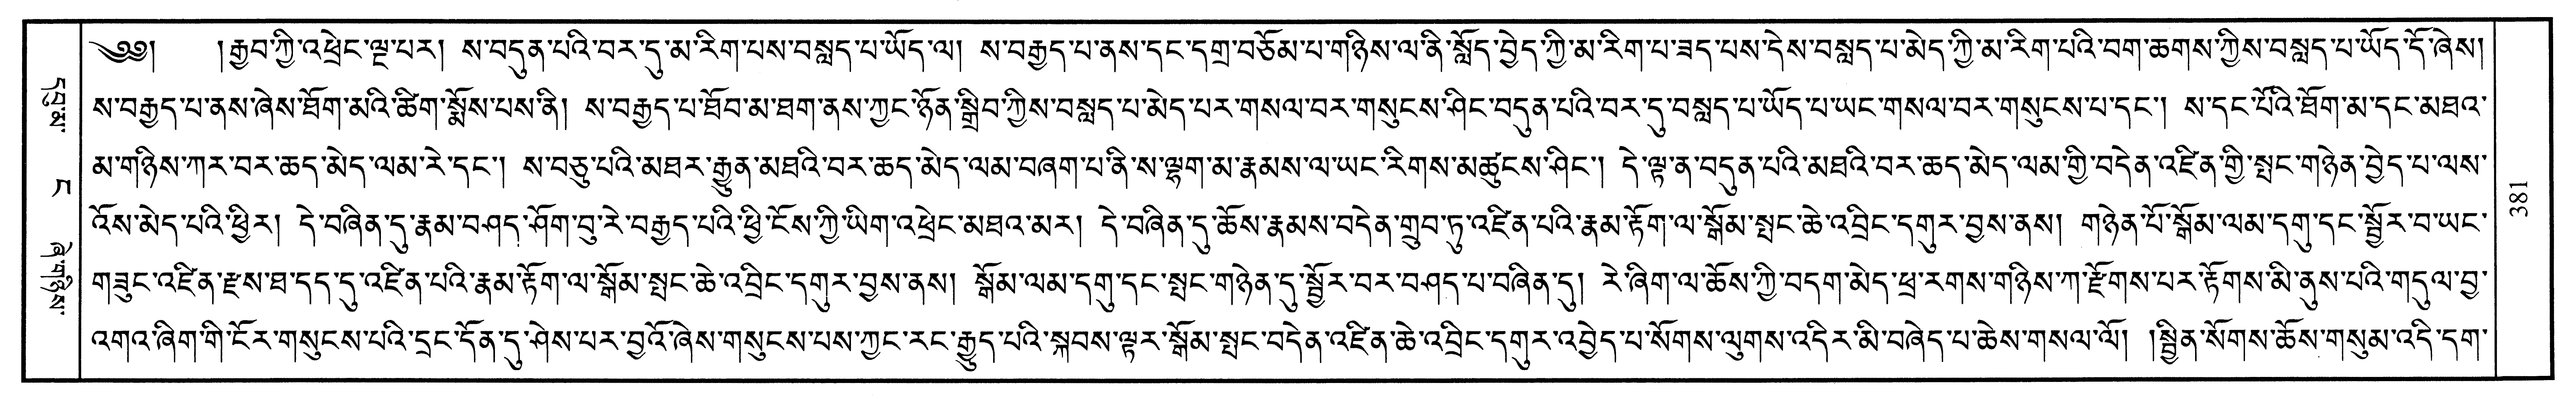༄༅། །རྒྱབ་ཀྱི་འཕྲེང་ལྔ་པར། ས་བདུན་པའི་བར་དུ་མ་རིག་པས་བསླད་པ་ཡོད་ལ། ས་བརྒྱད་པ་ནས་དང་དགྲ་བཅོམ་པ་གཉིས་ལ་ནི་སློད་བྱེད་ཀྱི་མ་རིག་པ་ཟད་པས་དེས་བསླད་པ་མེད་ཀྱི་མ་རིག་པའི་བག་ཆགས་ཀྱིས་བསླད་པ་ཡོད་དོ་ཞེས།
ས་བརྒྱད་པ་ནས་ཞེས་ཐོག་མའི་ཚིག་སྨོས་པས་ནི། ས་བརྒྱད་པ་ཐོབ་མ་ཐག་ནས་ཀྱང་ཉོན་སྒྲིབ་ཀྱིས་བསླད་པ་མེད་པར་གསལ་བར་གསུངས་ཤིང་བདུན་པའི་བར་དུ་བསླད་པ་ཡོད་པ་ཡང་གསལ་བར་གསུངས་པ་དང་། ས་དང་པོའི་ཐོག་མ་དང་མཐའ་
མ་གཉིས་ཀར་བར་ཆད་མེད་ལམ་རེ་དང་། ས་བཅུ་པའི་མཐར་རྒྱུན་མཐའི་བར་ཆད་མེད་ལམ་བཞག་པ་ནི་ས་ལྷག་མ་རྣམས་ལ་ཡང་རིགས་མཚུངས་ཤིང་། དེ་ལྟ་ན་བདུན་པའི་མཐའ་བར་ཆད་མེད་ལམ་གྱི་བདེན་འཛིན་གྱི་སྤང་གཉེན་བྱེད་པ་ལས་
འོས་མེད་པའི་ཕྱིར། དེ་བཞིན་དུ་རྣམ་བཤད་ཤོག་བུ་རེ་བརྒྱད་པའི་ཕྱི་ངོས་ཀྱི་ཡིག་འཕྲེང་མཐའ་མར། དེ་བཞིན་དུ་ཆོས་རྣམས་བདེན་གྲུབ་ཏུ་འཛིན་པའི་རྣམ་རྟོག་ལ་སྒོམ་སྤང་ཆེ་འབྲིང་དགུར་བྱས་ནས། གཉེན་པོ་སྒོམ་ལམ་དགུ་དང་སྦྱོར་བ་ཡང་
གཟུང་འཛིན་རྫས་ཐ་དད་དུ་འཛིན་པའི་རྣམ་རྟོག་ལ་སྒོམ་སྤང་ཆེ་འབྲིང་དགུར་བྱས་ནས། སྒོམ་ལམ་དགུ་དང་སྤང་གཉེན་དུ་སྦྱོར་བར་བཤད་པ་བཞིན་དུ། རེ་ཞིག་ལ་ཆོས་ཀྱི་བདག་མེད་ཕྲ་རགས་གཉིས་ཀ་རྫོགས་པར་རྟོགས་མི་ནུས་པའི་གདུལ་བྱ་
འགའ་ཞིག་གི་ངོར་གསུངས་པའི་དྲང་དོན་དུ་ཤེས་པར་བྱའོ་ཞེས་གསུངས་པས་ཀྱང་རང་རྒྱུད་པའི་སྐབས་ལྟར་སྒོམ་སྤང་བདེན་འཛིན་ཆེ་འབྲིང་དགུར་འབྱེད་པ་སོགས་ལུགས་འདིར་མི་བཞེད་པ་ཆེས་གསལ་ལོ། །སྦྱིན་སོགས་ཆོས་གསུམ་འདི་དག་